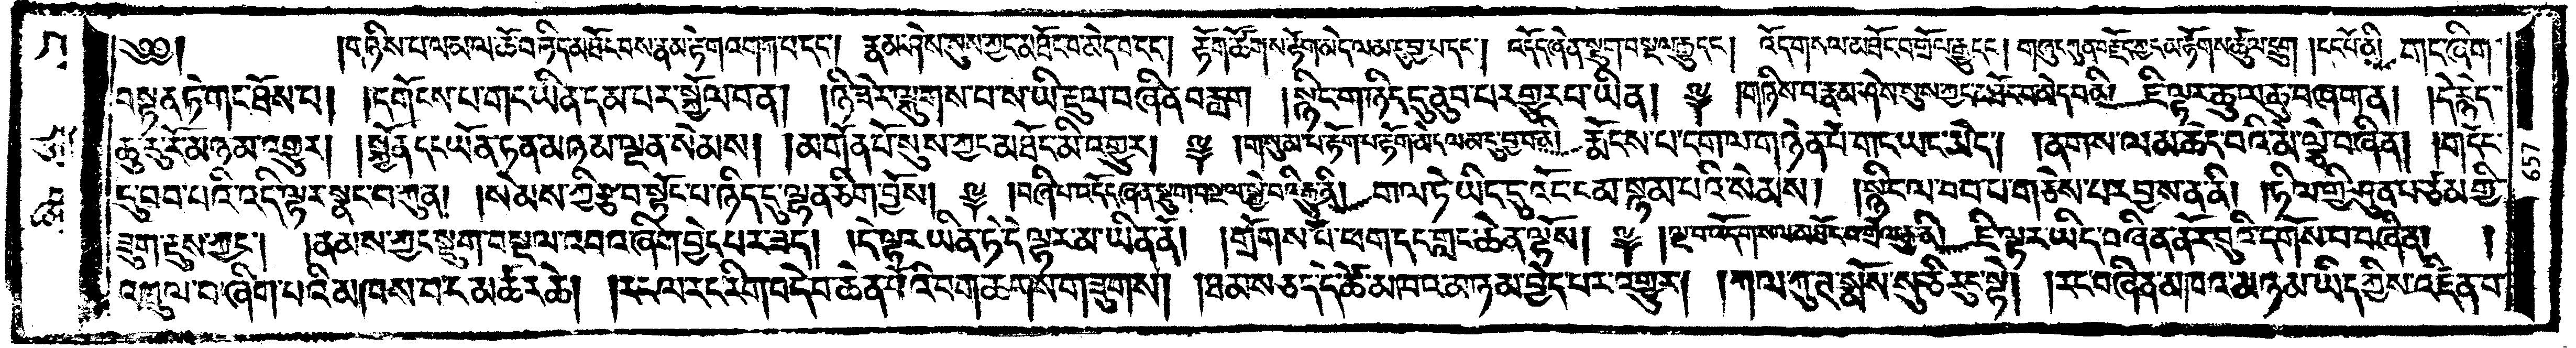༄༅། །གཉིས་པ་ལམ་ལ་ཆོ་བ་ཉིད་མཐོང་བས་རྣམ་རྟེག་འགག་པ་དང་། རྣམ་ཤེས་སུས་ཀྱང་མཐོང་བ་མེད་བ་དང་། རྟོག་ཚོགས་རྟོག་མེད་ལམ་དུ་བྱ་པ་དང་། འདོད་ཞེན་སྡུག་བསྔལ་རྒྱུ་དང་། འོད་གསལ་མཐོང་བགྲོལ་རྒྱུ་དང་། གཞུང་ཀུན་བརྗོད་ཀྱང་མ་རྟོགས་ཚུལ་དྲུག །དང་པོ་ནི། གང་ཞིག་
བསྟན་ཏེ་གང་ཐོས་པ། །དགོངས་པ་གང་ཡིན་དམ་པར་སྐྱོལ་བ་ན། །ཉི་ཟེར་ལྐུགས་པ་ས་ཡི་རྡུལ་བཞིན་བརླག །སྙིང་ག་ཉིད་དུ་ནུབ་པར་གྱུར་པ་ཡིན། ༈ །གཉིས་བ་རྣམ་ཤེས་སུས་ཀྱང་མཐོང་བ་མེད་པ་ནི། ཇི་ལྟར་ཆུལ་ཆུ་བཞག་ན། །དེ་རྙེད་
ཆུ་རུ་རོ་མཉམ་འགྱུར། །སྐྱོན་དང་ཡོན་ཏན་མཉམ་ལྡན་སེམས། །མགོན་པོ་སུས་ཀྱང་མཐོང་མི་འགྱུར། ༈ །གསུམ་པ་རྟོག་པ་རྟོག་མེད་ལམ་དུ་བྱ་བ་མི། རྨོངས་པ་ངག་ལ་གཉེན་པོ་གང་ཡང་མེད། །ནགས་ལ་མཆེད་པའི་མེ་ལྕེ་བཞིན། །གདོང་
དུ་བབ་པའི་འདི་ལྟར་སྣང་བ་ཀུན། །སེམས་ཀྱི་རྩ་བ་སྟོང་པ་ཉིད་དུ་ལྷན་ཅིག་བྱོས། ༈ །བཞི་པ་འདོད་ཞན་སྡུག་བསྔལ་སྐྱེ་བའི་རྒྱུ་ནི། གལ་ཏེ་ཡིད་དུ་འོང་ངམ་སྙམ་པའི་སེམས། །སྙིང་ལ་བབ་པ་གཅེས་པར་བྱས་ན་ནི། །ཏིལ་གྱི་ཤུན་པ་ཙམ་གྱི་
ཟུག་རྡུས་ཀྱང་། །ནམས་ཀྱང་སྡུག་བསྔལ་འབའ་ཞིག་བྱེད་པར་ཟད། །དེ་ལྟར་ཡིན་ཏེ་དེ་ལྟར་མ་ཡིན་ནོ། །གྲོགས་པོ་ཕག་དང་གླང་ཆེན་ལྟོས། ༈ །ལྔ་བ་འོད་གསལ་མཐོང་བ་གྲོལ་རྒྱུ་ནི། ཇི་ལྟར་ཡིད་བཞིན་ནོར་བུའི་དགོས་པ་བཞིན། །
འཁྲུལ་བཞིག་པའི་མཁས་བ་ངོ་མཚར་ཆེ། །རང་ལ་རང་རིག་བདེ་བ་ཆེན་བོའི་བག་ཆགས་གཟུགས། །ཐམས་ཅད་དེ་ཚེ་མཁའ་མཉམ་བྱེད་པར་འགྱུར། །ཀ་ལ་ཀུ་ཊ་སྨོས་སུ་ཅི་རུང་སྟེ། །རང་བཞིན་མཁའ་མཉམ་ཡིད་ཀྱིས་འཛིན་བ་